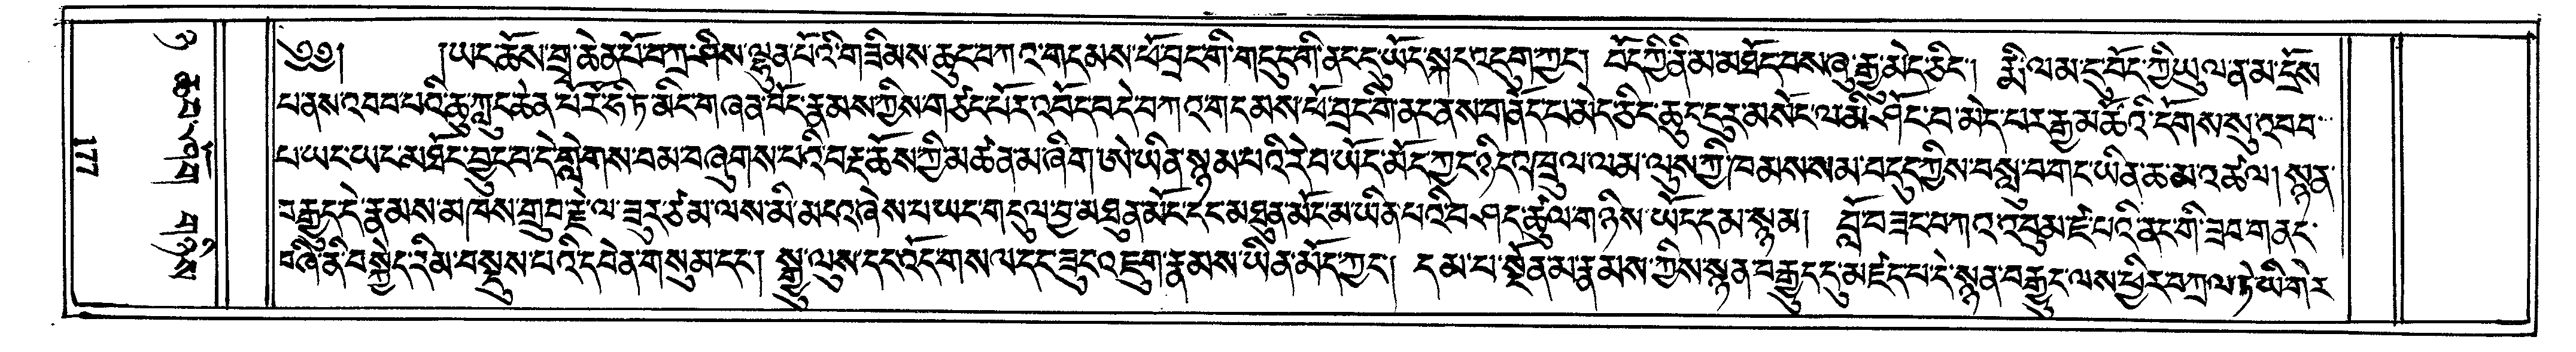༄༅། །ཡང་ཆོས་གྲྭ་ཆེན་པོ་བཀྲ་ཤིས་ལྷུན་པོའི་གཟིམས་ཆུང་བཀའ་གདམས་ཕོ་བྲང་གི་གདུང་གི་ནང་དུ་ཡོད་སྐད་འདུག་ཀྱང་། ངེད་ཀྱི་ནི་མ་མཐོང་བས་ཞུ་རྒྱུ་མེད་ཅིང་། རྨི་ལམ་དུ་བོད་ཀྱི་ཡུལ་ན་མ་དྲོས་
པ་ནས་འབབ་པའི་ཆུ་ཀླུང་ཆེན་པོ་རོ་ཧི་ཏ་མིང་གཞན་བོད་རྣམས་ཀྱིས་གཙང་པོར་འབོད་པ་དེ་བཀའ་གདམས་ཕོ་བྲང་གི་ནང་ནས་གནོད་པ་མེད་ཅིང་ཆུང་དུར་མ་སོང་ལ་མི་ཤོང་བ་མེད་པར་རྒྱ་མཚོའི་ངོགས་སུ་འབབ་
པ་ཡང་ཡང་མཐོང་བྱུང་བདེ་གླེགས་བམ་བཞུགས་པའི་བརྡ་ཆོས་ཀྱི་མཚན་མ་ཞིག་ཨེ་ཡིན་སྙམ་པའི་རེ་བ་ཡོད་མོད་ཀྱང་ཉིད་འཁྲུལ་ལམ་ལུས་ཀྱི་ཁམས་སམ་བདུད་ཀྱིས་བསླུ་བ་གང་ཡིན་ཆ་མ་འཚལ། སྙན་
བརྒྱུད་དེ་རྣམས་མཁས་གྲུབ་རྗེ་ལ་ཟུར་ཙམ་ལས་མི་མངའ་ཞེས་པ་ཡང་གདུལ་བྱ་མཐུན་མོང་དང་མཐུན་མོང་མ་ཡིན་པའི་བཤད་ཚུལ་གཉིས་ཡོད་དམ་སྙམ། བློ་བཟང་བཀའ་འབུམ་ཛ་པའི་ནང་གི་ཟབ་གནད་
བཞི་ནི་བསྐྱེད་རིམ་བསྡུས་པའི་དབེན་གསུམ་དང་། སྒྱུ་ལུས་དང་འོད་གསལ་དང་ཟུང་འཇུག་རྣམས་ཡིན་མོད་ཀྱང་། དམ་པ་སྔོན་མ་རྣམས་ཀྱིས་སྙན་བརྒྱུད་དུ་མཛད་པ་དེ་སྙན་བརྒྱུད་ལས་ཕྱིར་བཀྲལ་ཏེ་ཡི་གེར་